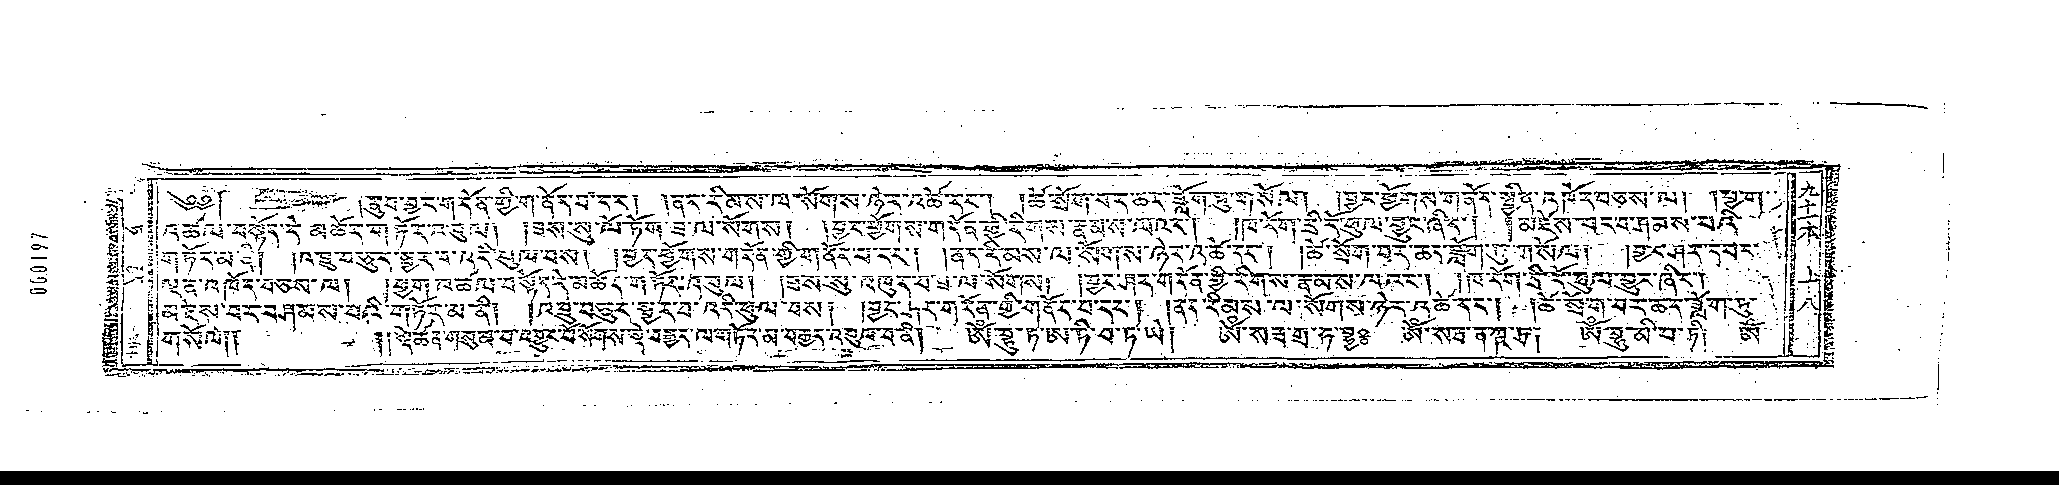༄༅། །ནུབ་བྱང་གདོན་གྱི་གནོད་པ་དང་། །ནད་རིམས་ལ་སོགས་ཉེར་འཚེ་དང་། །ཚེ་སྲོག་བར་ཆད་ཟློག་ཏུ་གསོལ། །བྱང་ཕྱོགས་གནོད་སྦྱིན་འཁོར་བཅས་ལ། །ཕྱག་
འཚལ་བསྟོད་དེ་མཆོད་གཏོར་འབུལ། །ཟས་སུ་ལོ་ཏོག་ཟ་ལ་སོགས། །བྱང་ཕྱོགས་གདོན་གྱི་རིགས་རྣམས་ལའང་། །ཁ་དོག་དྲི་རོ་ཕུལ་བྱུང་ཞིང་། །མཛེས་པར་བཤམས་པའི་
གཏོར་མ་ནི། །འབྲུ་བཅུང་སྦྱར་བ་འདི་ཕུལ་བས། །བྱང་ཕྱོགས་གདོན་གྱི་གནོད་པ་དང་། །ནད་རིམས་ལ་སོགས་ཉེར་འཚེ་དང་། །ཚེ་སྲོག་པར་ཆད་ཟློག་ཏུ་གསོལ། །བྱང་ཤར་དབང་
ལྡན་འཁོར་བཅས་ལ། །ཕྱག་འཚལ་བསྟོད་དེ་མཆོད་གཏོར་འབུལ། །ཟས་སུ་འཁུར་བ་ཟ་ལ་སོགས། །བྱང་ཤར་གདོན་གྱི་རིགས་རྣམས་ལའང་། །ཁ་དོག་དྲི་རོ་ཕུལ་བྱུང་ཞིང་། །
མཛེས་པར་བཤམས་པའི་གཏོར་མ་ནི། །འབྲུ་བཅུང་སྦྱར་བ་འདི་ཕུལ་བས། །བྱང་ཤར་གདོན་གྱི་གནོད་པ་དང་། །ནད་རིམས་ལ་སོགས་ཉེར་འཚོ་དང་། །ཚེ་སྲོག་བར་ཆད་ཟློག་ཏུ་
གསོལ།། །།སྡེ་ཚན་གསུམ་པ་འབྱུང་པོ་སོགས་སྡེ་བརྒྱད་ལ་གཏོར་མ་བརྒྱད་འབུལ་བ་ནི། ཨོཾ་བྷུ་ཏ་ཨ་ཏི་པ་ཏ་ཡེ། ཨོཾ་སརྦ་གྲ་ཧ་བྷྱཿ་ཨོཾ་སརྦ་ན་ཀྵ་ཏྲ། ཨོཾ་བྷུ་མི་པ་ཏི། ཨོཾ་